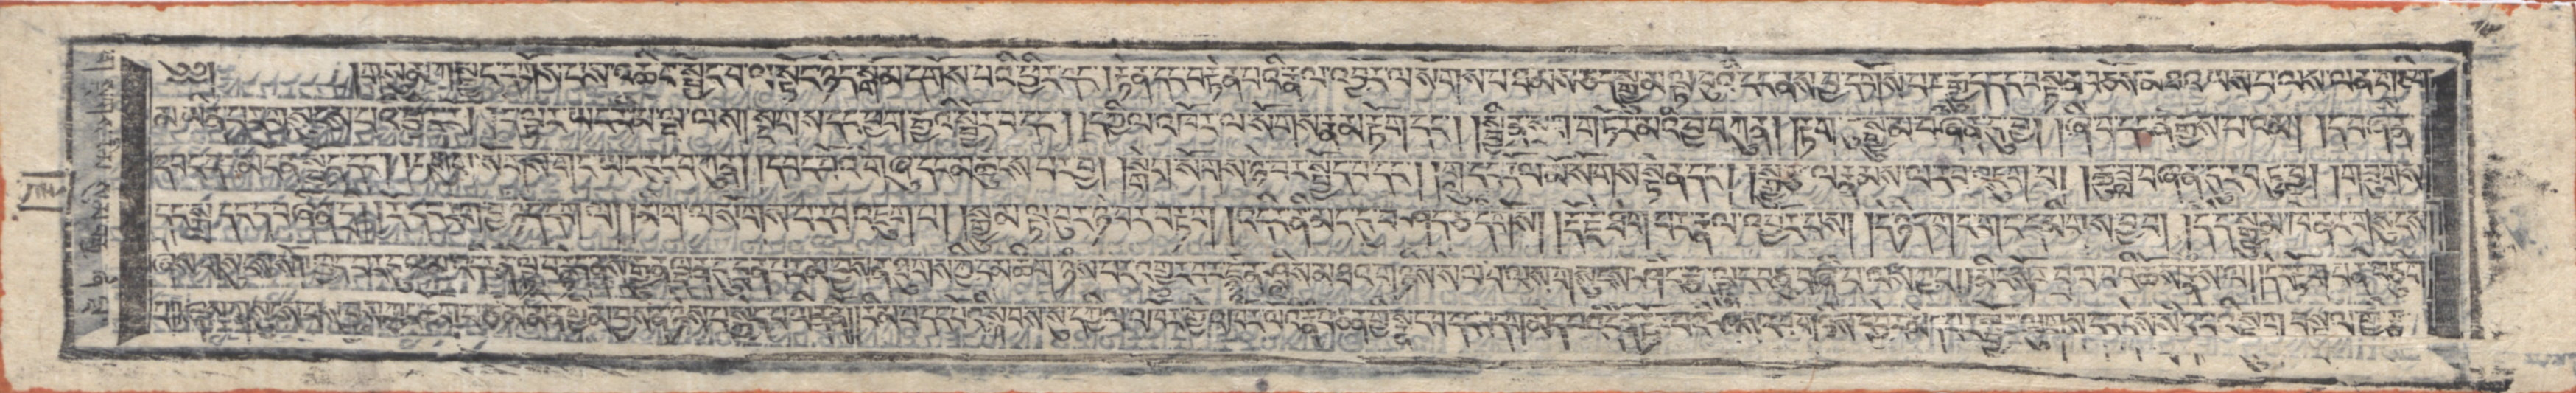༄༅། །གསུམ་ཀ་སྦྱང་དགོས་པས་འཆི་བ་སྦྱོང་བ་ལ་སྟོང་ཉིད་སྒོམ་དགོས་པའི་ཕྱིར་དང་། རྟེན་དང་བརྟེན་པའི་རྣལ་འབྱོར་ལ་སོགས་པ་ཐམས་ཅད་སྒྱུ་མ་ལྟ་བུའི་ངང་ནས་བྱ་དགོས་པར་རྒྱུད་དང་བསྟན་བཅོས་མཐའ་ཡས་པ་ལས་ལན་གཅིག་
མ་ཡིན་པར་གསུངས་པའི་ཕྱིར་རོ། །དེ་ལྟར་ཡང་རིམ་ལྔ་ལས། སྔགས་དང་ཕྱག་རྒྱའི་སྦྱོར་བ་དང་། །དཀྱིལ་འཁོར་ལ་སོགས་རྣམ་རྟོག་དང་། །སྦྱིན་སྲོག་གཏོར་མའི་བྱ་བ་ཀུན། །རྟག་ཏུ་སྒྱུ་མ་བཞིན་དུ་བྱ། །ཞི་བ་དང་ནི་རྒྱས་པ་འམ། །དེ་བཞིན་
དབང་དང་མངོན་སྤྱོད་དང་། །དགུག་སོགས་གང་ཡང་རུང་བ་ཀུན། །དབང་པོའི་གཞུ་དང་མཚུངས་པར་བྱ། །སྒེག་སོགས་ཉེ་བར་སྤྱོད་པ་དང་། །ཀླུ་དང་རོལ་མོ་སོགས་སྟེན་དང་། །སྒྱུ་རྩལ་རྣམས་ལ་རབ་འཇུག་པ། །ཆུ་ཟླ་བཞིན་དུ་རབ་ཏུ་བྱ། །གཟུགས་
དང་སྒྲ་དང་དེ་བཞིན་དྲི། །རོ་དང་རེག་བྱ་ཉིད་དག་ལ། །མིག་ལ་སོགས་པ་རབ་འཇུག་པ། །སྒྱུ་མ་ལྟ་བུར་ཉེ་བར་བརྟག །འདིར་ནི་མང་དུ་བཤད་ཅི་དགོས། །རྡོ་རྗེ་ཐེག་པར་རྣལ་འབྱོར་པས། །དེ་ཉིད་གང་གང་དམིགས་བྱ་བ། །དེ་དེ་སྒྱུ་མ་ཁོ་ནར་གསུངས་
ཞེས་གསུངས་སོ། །ཁྱད་པར་དུ་ལམ་འདིར་ནི་ལྟ་བ་རྙེད་ནས་རྒྱུན་ལྡན་དུ་དྲན་པར་མ་བྱས་ན་ཐུགས་ཀྱི་དམ་ཚིག་ཉམས་པར་འགྱུར་བར་ཛྙཱ་ན་ཤྲཱིས་མཐའ་གཉིས་སེལ་བ་ལས་གསུངས་ཤིང་རྩ་ལྟུང་བཅུ་བཞི་པ་ལས་ཀྱང་། །མིང་སོགས་བྲལ་བའི་ཆོས་རྣམས་ལ། །དེར་རྟོག་པ་ནི་བཅུ་གཅིག་
པ། །ཞེས་གསུངས་པས་བྱས་ཀྱང་ཆོག་པ་ཙམ་མིན་གྱི་མ་བྱས་ན་ཉེས་པ་སྐྱེད་པ་ཡིན་ནོ། །རིམ་པ་དང་པོའི་སྐབས་སུ་དཀྱིལ་འཁོར་གྱི་འཁོར་ལོའི་རྣ་བ་ཅན་གྱི་སྣང་བ་དང་བདག་མེད་པའི་དོན་རྟོགས་པའི་ཤེས་རབ་གཉིས་དབྱེར་མེད་པར་སྦྱོར་ལུགས་དང་དེས་སྲིད་པའི་སྡུག་བསྔལ་གྱི་རྩ་